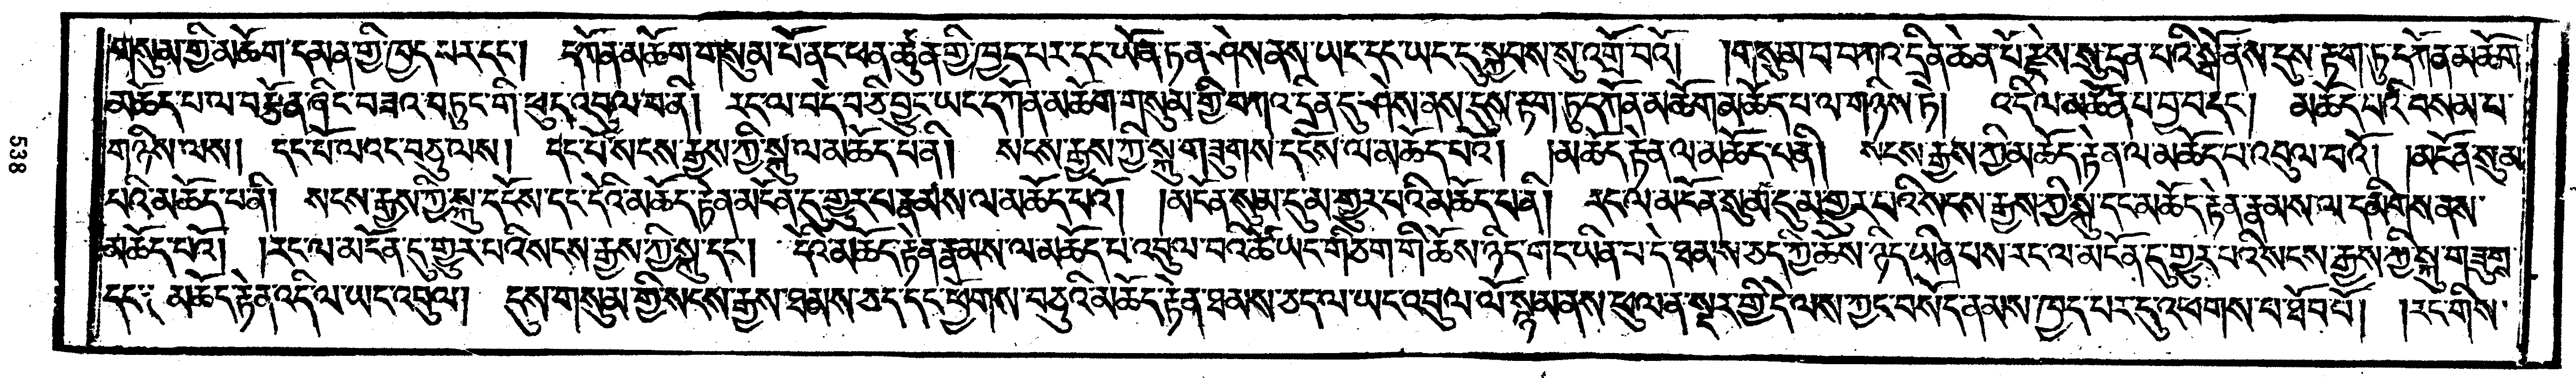གསུམ་གྱི་མཆོག་དམན་གྱི་ཁྱད་པར་དང་། དཀོན་མཆོག་གསུམ་པོ་ནང་ཕན་ཚུན་གྱི་ཁྱད་པར་དང་ཡོན་ཏན་ཤེས་ནས་ཡང་དང་ཡང་དུ་སྐྱབས་སུ་འགྲོ་བའོ། །གསུམ་པ་བཀའ་དྲིན་ཆེན་པོ་རྗེས་སུ་དྲན་པའི་སྒོ་ནས་དུས་རྟག་ཏུ་དཀོན་མཆོག་
མཆོད་པ་ལ་བརྩོན་ཞིང་བཟའ་བཏུང་གི་ཕུད་འབུལ་བ་ནི། རང་ལ་བདེ་བ་ཅི་བྱུང་ཡང་དཀོན་མཆོག་གསུམ་གྱི་བཀའ་དྲིན་དུ་ཤེས་ནས་དུས་རྟག་ཏུ་དཀོན་མཆོག་མཆོད་པ་ལ་གཉིས་ཏེ། འདི་ལ་མཚོན་པ་བྱ་བ་དང་། མཆོད་པའི་བསམ་པ་
གཉིས་ལས། དང་པོ་ལའང་བཅུ་ལས། དང་པོ་སངས་རྒྱས་ཀྱི་སྐུ་ལ་མཆོད་པ་ནི། སངས་རྒྱས་ཀྱི་སྐུ་གཟུགས་དངོས་ལ་མཆོད་པའོ། །མཆོད་རྟེན་ལ་མཆོད་པ་ནི། སངས་རྒྱས་ཀྱི་མཆོད་རྟེན་ལ་མཆོད་པ་འབུལ་བའོ། །མངོན་སུམ་
པའི་མཆོད་པ་ནི། སངས་རྒྱས་ཀྱི་སྐུ་དངོས་དང་དེའི་མཆོད་རྟེན་མངོན་དུ་གྱུར་པ་རྣམས་ལ་མཆོད་པའོ། །མངོན་སུམ་དུ་མ་གྱུར་པའི་མཆོད་པ་ནི། རང་ལ་མངོན་སུམ་དུ་མ་གྱུར་པའི་སངས་རྒྱས་ཀྱི་སྐུ་དང་མཆོད་རྟེན་རྣམས་ལ་དམིགས་ནས་
མཆོད་པའོ། །རང་ལ་མངོན་དུ་གྱུར་པའི་སངས་རྒྱས་ཀྱི་སྐུ་དང་། དེའི་མཆོད་རྟེན་རྣམས་ལ་མཆོད་པ་འབུལ་བའི་ཚེ་ཡང་གཅིག་གི་ཆོས་ཉིད་གང་ཡིན་པ་དེ་ཐམས་ཅད་ཀྱི་ཆོས་ཉིད་ཡིན་པས་རང་ལ་མངོན་དུ་གྱུར་པའི་སངས་རྒྱས་ཀྱི་སྐུ་གཟུགས་
དང༑ མཆོད་རྟེན་འདི་ལ་ཡང་འབུལ། དུས་གསུམ་གྱི་སངས་རྒྱས་ཐམས་ཅད་དང་ཕྱོགས་བཅུའི་མཆོད་རྟེན་ཐམས་ཅད་ལ་ཡང་འབུལ་ལོ་སྙམ་ནས་ཕུལ་ན་སྔར་གྱི་དེ་ལས་ཀྱང་བསོད་ནམས་ཁྱད་པར་དུ་འཕགས་པ་ཐོབ་པོ། །རང་གིས་